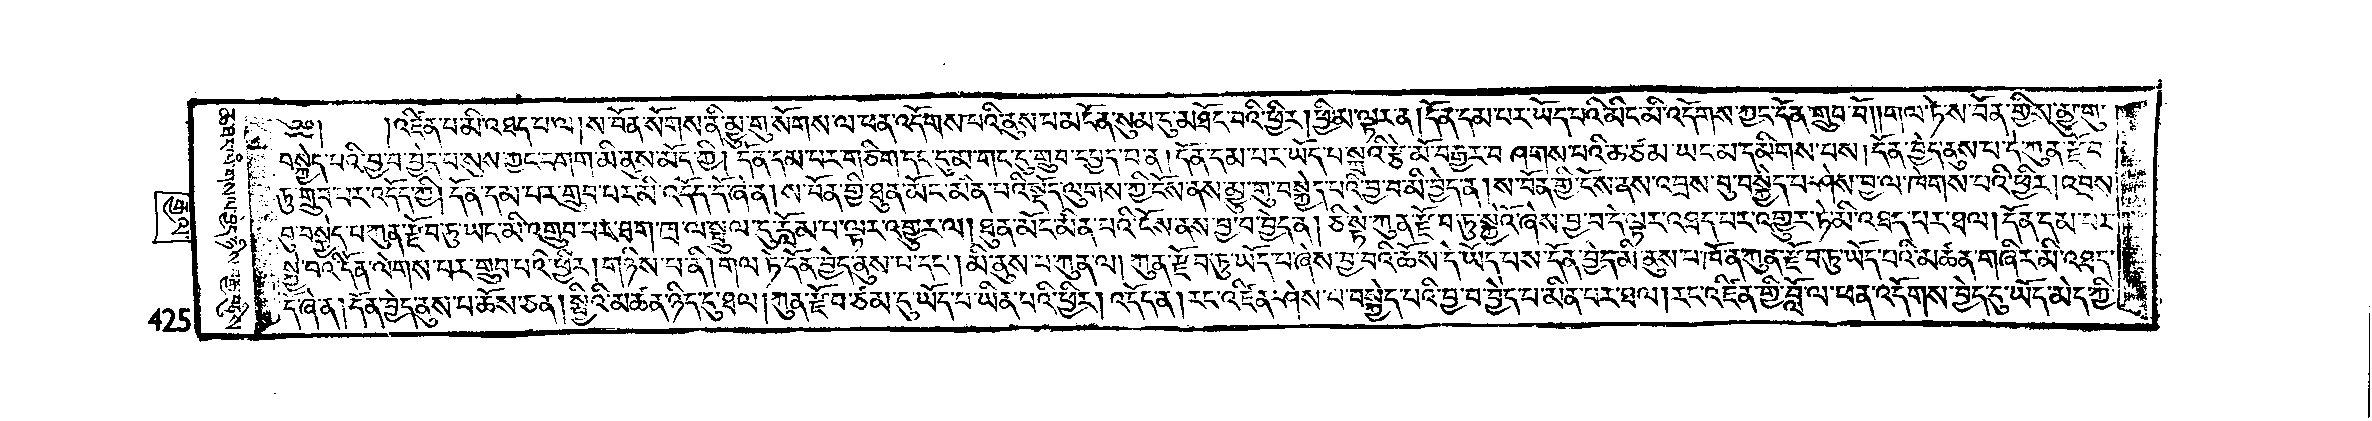༄༅། །འཛིན་པ་མི་འཐད་པ་ལ། ས་བོན་སོགས་ནི་མྱུ་གུ་སོགས་ལ་ཕན་འདོགས་པའི་ནུས་པ་མངོན་སུམ་དུ་མཐོང་བའི་ཕྱིར། ཕྱི་མ་ལྟར་ན། དོན་དམ་པར་ཡོད་པའི་མིང་མི་འདེགས་ཀྱང་དོན་གྲུབ་བོ། །གལ་ཏེ་ས་བོན་གྱིས་མྱུ་གུ་
བསྐྱེད་པའི་བྱ་བ་བྱེད་པ་སུས་ཀྱང་དགག་མི་ནུས་མོད་ཀྱི། དོན་དམ་པར་གཅིག་དང་དུ་མ་གང་དུ་གྲུབ་དཔྱད་པ་ན། དོན་དམ་པར་ཡོད་པ་སྐྲའི་རྩེ་མོ་བརྒྱར་བཤགས་པའི་ཆ་ཙམ་ཡང་མ་དམིགས་པས། དོན་བྱེད་ནུས་པ་དེ་ཀུན་རྫོབ་
ཏུ་གྲུབ་པར་འདོད་ཀྱི། དོན་དམ་པར་གྲུབ་པར་མི་འདོད་དོ་ཞེ་ན། ས་བོན་གྱི་ཐུན་མོང་མིན་པའི་སྡོད་ལུགས་ཀྱི་ངོས་ནས་མྱུ་གུ་བསྐྱེད་པའི་བྱ་བ་མི་བྱེད་ན། ས་བོན་གྱི་ངོས་ནས་འབྲས་བུ་བསྐྱེད་པ་ཤེས་བྱ་ལ་ཁེགས་པའི་ཕྱིར། འབྲས་
བུ་བསྐྱེད་པ་ཀུན་རྫོབ་ཏུ་ཡང་མི་འགྲུབ་པར་ཐག་ཁྲ་ལ་སྦྲུལ་དུ་རློམ་པ་ལྟར་འགྱུར་ལ། ཐུན་མོང་མིན་པའི་ངོས་ནས་བྱ་བ་བྱེད་ན། ཅི་སྟེ་ཀུན་རྫོབ་ཏུ་སྐྱེའོ་ཞེས་བྱ་བ་དེ་ལྟར་འཐད་པར་འགྱུར་ཏེ་མི་འཐད་པར་ཐལ། དོན་དམ་པར་
སྐྱེ་བའི་དོན་ལེགས་པར་གྲུབ་པའི་ཕྱིར། གཉིས་པ་ནི། གལ་ཏེ་དོན་བྱེད་ནུས་པ་དང་། མི་ནུས་པ་ཀུན་ལ། ཀུན་རྫོབ་ཏུ་ཡོད་པ་ཞེས་བྱ་བའི་ཆོས་དེ་ཡོད་པས་དོན་བྱེད་མི་ནུས་པ་ཁོ་ན་ཀུན་རྫོབ་ཏུ་ཡོད་པའི་མཚན་གཞིར་མི་འཐད་
དོ་ཞེ་ན། དོན་བྱེད་ནུས་པ་ཆོས་ཅན། སྤྱིའི་མཚན་ཉིད་དུ་ཐལ། ཀུན་རྫོབ་ཙམ་དུ་ཡོད་པ་ཡིན་པའི་ཕྱིར། འདོད་ན། རང་འཛིན་ཤེས་པ་བསྐྱེད་པའི་བྱ་བ་བྱེད་པ་མིན་པར་ཐལ། རང་འཛིན་གྱི་བློ་ལ་ཕན་འདོགས་བྱེད་དུ་ཡོད་མེད་ཀྱི་